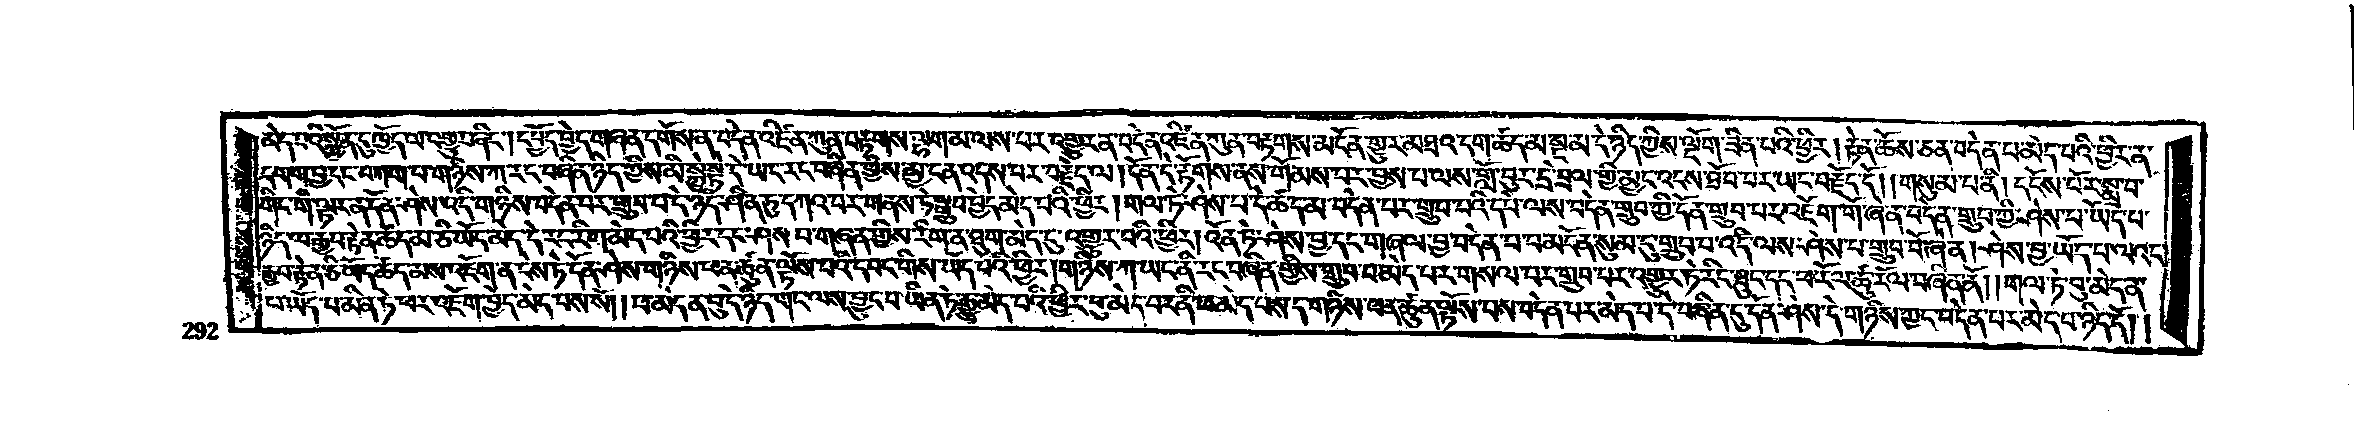མེད་པའི་སྐྱོན་དུ་ཁྱོད་ལ་འགྱུར་ཞིང་། དཔྱོད་བྱེད་གཞན་དགོས་ན་བདེན་འཛིན་ཀུན་བརྟགས་ལྷག་མ་ལས་པར་འགྱུར་ན་བདེན་འཛིན་ཀུན་བརྟགས་མངོན་གྱུར་མཐའ་དག་ཚད་མ་སྔ་མ་དེ་ཉིད་ཀྱིས་ལྡོག་ཟིན་པའི་ཕྱིར། རྟེན་ཆོས་ཅན་བདེན་པ་མེད་པའི་ཕྱིར་ན་
དགག་བྱ་དང་བཀག་པ་གཉིས་ཀ་རང་བཞིན་ཉིད་ཀྱིས་མི་སྐྱེ་སྟེ་དེ་ཡང་རང་བཞིན་གྱིས་མྱ་ངན་འདས་པར་བརྗོད་ལ། དོན་དེ་རྟོགས་ནས་གོམས་པར་བྱས་པ་ལས་གློ་བུར་དྲི་བྲལ་གྱི་མྱང་འདས་ཐོབ་པར་ཡང་བརྗོད་དོ། །གསུམ་པ་ནི། དངོས་པོར་སྨྲ་བ་
གང་གི་ལྟར་ན་དོན་ཤེས་འདི་གཉིས་བདེན་པར་གྲུབ་པ་དེ་ཉིད་ཤིན་ཏུ་དཀའ་བར་གནས་ཏེ་སྒྲུབ་བྱེད་མེད་པའི་ཕྱིར། གལ་ཏེ་ཤེས་པ་དེ་ཚད་མ་བདེན་པར་གྲུབ་པའི་དཔེ་ལས་བདེན་གྲུབ་ཀྱི་དོན་གྲུབ་པར་འཇོག་གོ་ཞེ་ན་བདེན་གྲུབ་ཀྱི་ཤེས་པ་ཡོད་པ་
ཉིད་ལ་རྒྱབ་རྟེན་ཚད་མ་ཅི་ཡོད་མེད་དེ་རང་རིག་མེད་པའི་ཕྱིར་དང་ཤེས་པ་གཞན་གྱིས་རིག་ན་ཐུག་མེད་དུ་འགྱུར་བའི་ཕྱིར། འོན་ཏེ་ཤེས་བྱ་དང་གཞལ་བྱ་བདེན་པ་བ་མངོན་སུམ་གྲུབ་པ་འདི་ལས་ཤེས་པ་གྲུབ་བོ་ཞེ་ན། ཤེས་བྱ་ཡོད་པ་ལའང་
རྒྱབ་རྟེན་ཅི་ཡོད་ཚད་མས་འཇོག་ན་ངེས་ཏེ་དོན་ཤེས་གཉིས་ཕན་ཚུན་ལྟོས་པའི་དབང་གིས་ཡོད་པའི་ཕྱིར། གཉིས་ཀ་ཡང་ནི་རང་བཞིན་གྱིས་གྲུབ་པ་མེད་པར་གསལ་བར་གྲུབ་པར་འགྱུར་ཏེ་རིང་ཐུང་དང་ཕ་རོལ་ཚུ་རོལ་བཞིན་ནོ། །གལ་ཏེ་བུ་མེད་ན་
ཕ་ཡོད་པ་མིན་ཏེ་ཕར་འཇོག་བྱེད་མེད་པས་སོ། །ཕ་མེད་ན་བུ་དེ་ཉིད་གང་ལས་བྱུང་བ་ཡིན་ཏེ་རྒྱུ་མེད་པའི་ཕྱིར་བུ་མེད་པར་ནི་ཕ་མེད་པས་དེ་གཉིས་ཕན་ཚུན་ལྟོས་པས་བདེན་པར་མེད་པ་དེ་བཞིན་དུ་དོན་ཤེས་དེ་གཉིས་ཀྱང་བདེན་པར་མེད་པ་ཉིད་དོ། །